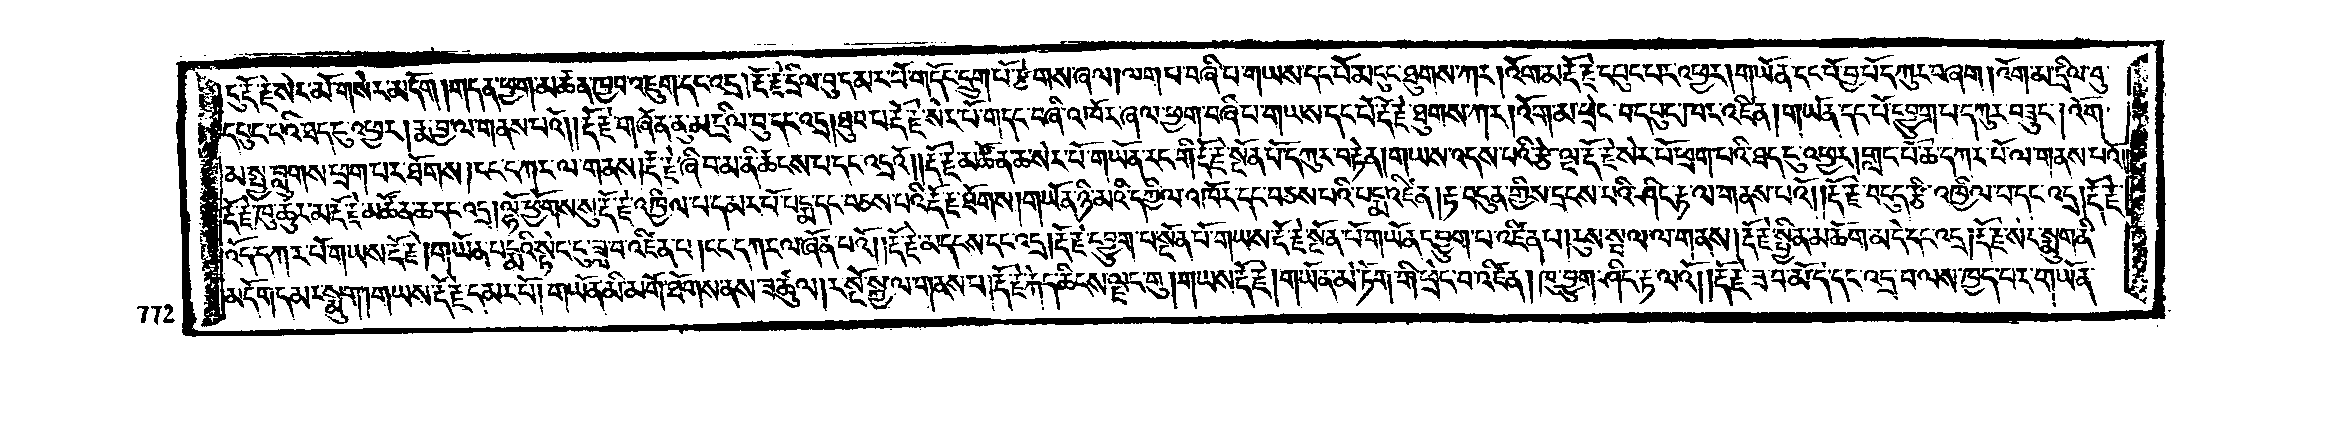དུ་རྡོ་རྗེ་སེར་མོ་གསེར་མདོག །གདན་ཕྱག་མཚན་ཁྱབ་འཇུག་དང་འདྲ། རྡོ་རྗེ་དྲིལ་བུ་དམར་པོ་གདོང་དྲུག་པོ་རྩེགས་ཞལ། ལག་པ་བཞི་པ་གཡས་དང་པོ་མདུང་ཐུགས་ཀར། འོག་མ་རྡོ་རྗེ་དཔུང་པར་འཕྱིར། གཡོན་དང་པོ་བྱ་པོ་དཀུར་བཞག །འོག་མ་དྲིལ་བུ་
དཔུང་པའི་ཐད་དུ་འཕྱིར། རྨ་བྱ་ལ་གནས་པའོ། །རྡོ་རྗེ་གཞོན་ནུ་མ་དྲིལ་བུ་དང་འདྲ། ཐུབ་པ་རྡོ་རྗེ་སེར་པོ་གདང་བཞི་འཁོར་ཞལ་ཕྱག་བཞི་པ་གཡས་དང་པོ་རྡོ་རྗེ་ཐུགས་ཀར། འོག་མ་ཕྲེང་བ་དཔུང་ཁར་འཛིན། གཡོན་དང་པོ་དབྱུག་པ་དཀུར་བཟུང་། འོག་
མ་སྤྱི་བླུགས་ཕྲག་པར་ཐོགས། ངང་དཀར་ལ་གནས། རྡོ་རྗེ་ཞེབ་མ་ནི་ཚངས་པ་དང་འདྲའོ། །རྡོ་རྗེ་མཚོན་ཆ་སེར་པ་གཡོན་རང་གི་རྡོ་རྗེ་སྔོན་པོ་དཀུར་བརྟེན། གཡས་འདས་པའི་རྩེ་ལྔ་རྡོ་རྗེ་སེར་པོ་ཕྲག་པའི་ཐད་དུ་འཕྱིར། གླང་པོ་ཆེ་དཀར་པོ་ལ་གནས་པའོ།།
རྡོ་རྗེ་ཁུ་ཚུར་མ་རྡོ་རྗེ་མཚོན་ཆ་དང་འདྲ། ལྷོ་ཕྱོགས་སུ་རྡོ་རྗེ་འཁྱིལ་པ་དམར་པོ་པདམ་དང་བཅས་པའི་རྡོ་རྗེ་ཐོགས། གཡོན་ཉི་མའི་དཀྱིལ་འཁོར་དང་བཅས་པའི་པདམ་འཛིན། རྟ་བདུན་གྱིས་དྲངས་པའི་ཤིང་རྟ་ལ་གནས་པའོ། །རྡོ་རྗེ་བདུད་རྩི་འཁྱིལ་པ་དང་འདྲ། རྡོ་རྗེ་
འོད་དཀར་པོ་གཡས་རྡོ་རྗེ། གཡོན་པདམའི་སྟེང་དུ་ཟླ་བ་འཛིན་པ། ངང་དཀར་ལ་ཞོན་པའོ། །རྡོ་རྗེ་མདངས་དང་འདྲ། རྡོ་རྗེ་དབྱུག་པ་སྔོན་པོ་གཡས་རྡོ་རྗེ་སྔོན་པོ་གཡོན་དབྱུག་པ་འཛིན་པ། རུས་སྦལ་ལ་གནས། རྡོ་རྗེ་སྦྱིན་མཆོག་མ་དེ་དང་འདྲ། རྡོ་རྗེ་སེར་སྨུག་ནི་
མདོག་དམར་སྣུག །གཡས་རྡོ་རྗེ་དམར་པོ། གཡོན་མི་མགོ་ཐོགས་ནས་ཟ་ཚུལ། ར་སྔོ་སྐྱ་ལ་གནས་པ། རྡོ་རྗེ་རྐེད་ཆིངས་ལྗང་གུ། གཡས་རྡོ་རྗེ། གཡོན་མེ་ཏོག་གི་ཕྲེང་བ་འཛིན། ཁུ་བྱུག་ཤིང་རྟ་ལའོ། །རྡོ་རྗེ་ཟབ་མོ་དེ་དང་འདྲ་བ་ལས་ཁྱད་པར་གཡོན་